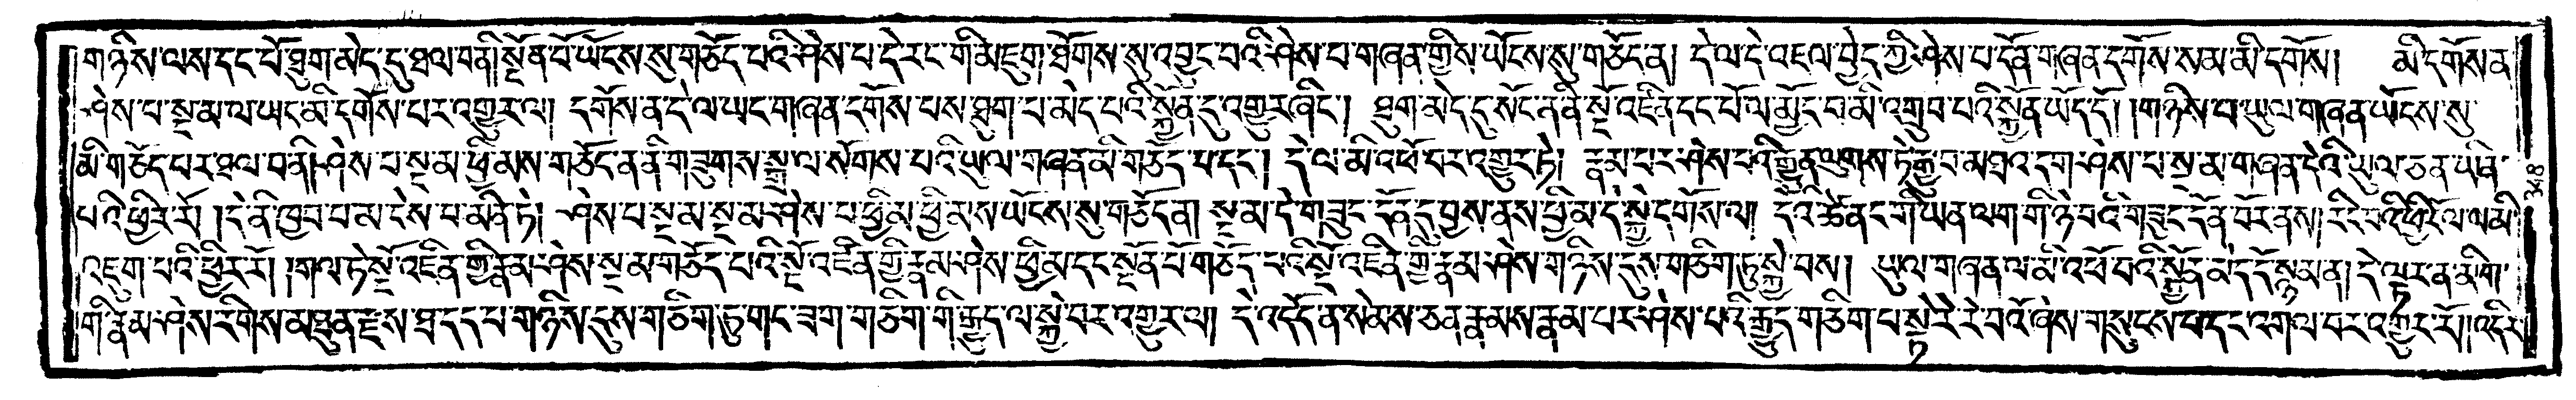གཉིས་ལས་དང་པོ་ཐུག་མེད་དུ་ཐལ་བ་ནི། སྔོན་པོ་ཡོངས་སུ་གཅོད་པའི་ཤེས་པ་དེ་རང་གི་མཇུག་ཐོགས་སུ་འབྱུང་བའི་ཤེས་པ་གཞན་གྱིས་ཡོངས་སུ་གཅོད་ན། དེ་ལ་དེ་འཇལ་བྱེད་ཀྱི་ཤེས་པ་དོན་གཞན་དགོས་སམ་མི་དགོས། མི་དགོས་ན་
ཤེས་པ་སྔ་མ་ལ་ཡང་མི་དགོས་པར་འགྱུར་ལ། དགོས་ན་དེ་ལ་ཡང་གཞན་དགོས་པས་ཐུག་པ་མེད་པའི་སྐྱོན་དུ་འགྱུར་ཞིང་། ཐུག་མེད་དུ་སོང་ན་ནི་སྔོ་འཛིན་དང་པོ་ལ་མྱོང་བ་མི་གྲུབ་པའི་སྐྱོན་ཡོད་དོ། གཉིས་པ་ཡུལ་གཞན་ཡོངས་སུ་
མི་གཅོད་པར་ཐལ་བ་ནི། ཤེས་པ་སྔ་མ་ཕྱི་མས་གཅོད་ན་ནི་གཟུགས་སྒྲ་ལ་སོགས་པའི་ཡུལ་གཞན་མི་གཅོད་པ་དང་། དེ་ལ་མི་འཕོ་བར་འགྱུར་ཏེ། རྣམ་པར་ཤེས་པའི་རྒྱུན་ལུགས་ཏེ་རྒྱུ་བ་མཐའ་དག་ཤེས་པ་སྔ་མ་གཞན་དེའི་ཡུལ་ཅན་ཡིན་
པའི་ཕྱིར་རོ། །དེ་ནི་ཁྱབ་པ་མ་ངེས་པ་མིན་ཏེ། ཤེས་པ་སྔ་མ་སྔ་མ་ཤེས་པ་ཕྱི་མ་ཕྱི་མས་ཡོངས་སུ་གཅོད་ན། སྔ་མ་དེ་གཟུང་དོན་དུ་བྱས་ནས་ཕྱི་མ་དེ་སྐྱེ་དགོས་ལ། དེའི་ཚེ་ནང་གི་ཡན་ལག་གི་ཉེ་བའི་གཟུང་དོན་བོར་ནས། རིང་བའི་ཕྱི་རོལ་ལ་མི་
འཇུག་པའི་ཕྱིར་རོ། །གལ་ཏེ་སྔོ་འཛིན་གྱི་རྣམ་ཤེས་སྔ་མ་གཅོད་པའི་སྔོ་འཛིན་གྱི་རྣམ་ཤེས་ཕྱི་མ་དང་སྔོན་པོ་གཅོད་པའི་སྔོ་འཛིན་གྱི་རྣམ་ཤེས་གཉིས་དུས་གཅིག་ཏུ་སྐྱེ་བས། ཡུལ་གཞན་ལ་མི་འཕོ་བའི་སྐྱོན་མེད་དོ་སྙམ་ན། དེ་ལྟར་ན་མིག་
གི་རྣམ་ཤེས་རིགས་མཐུན་རྫས་ཐ་དད་པ་གཉིས་དུས་གཅིག་ཏུ་གང་ཟག་གཅིག་གི་རྒྱུད་ལ་སྐྱེ་བར་འགྱུར་ལ། དེ་འདོད་ན་སེམས་ཅན་རྣམས་རྣམ་པར་ཤེས་པའི་རྒྱུད་གཅིག་པ་སྟེ་རེ་རེ་བའོ་ཞེས་གསུངས་པ་དང་འགལ་བར་འགྱུར་རོ། །འདིར་